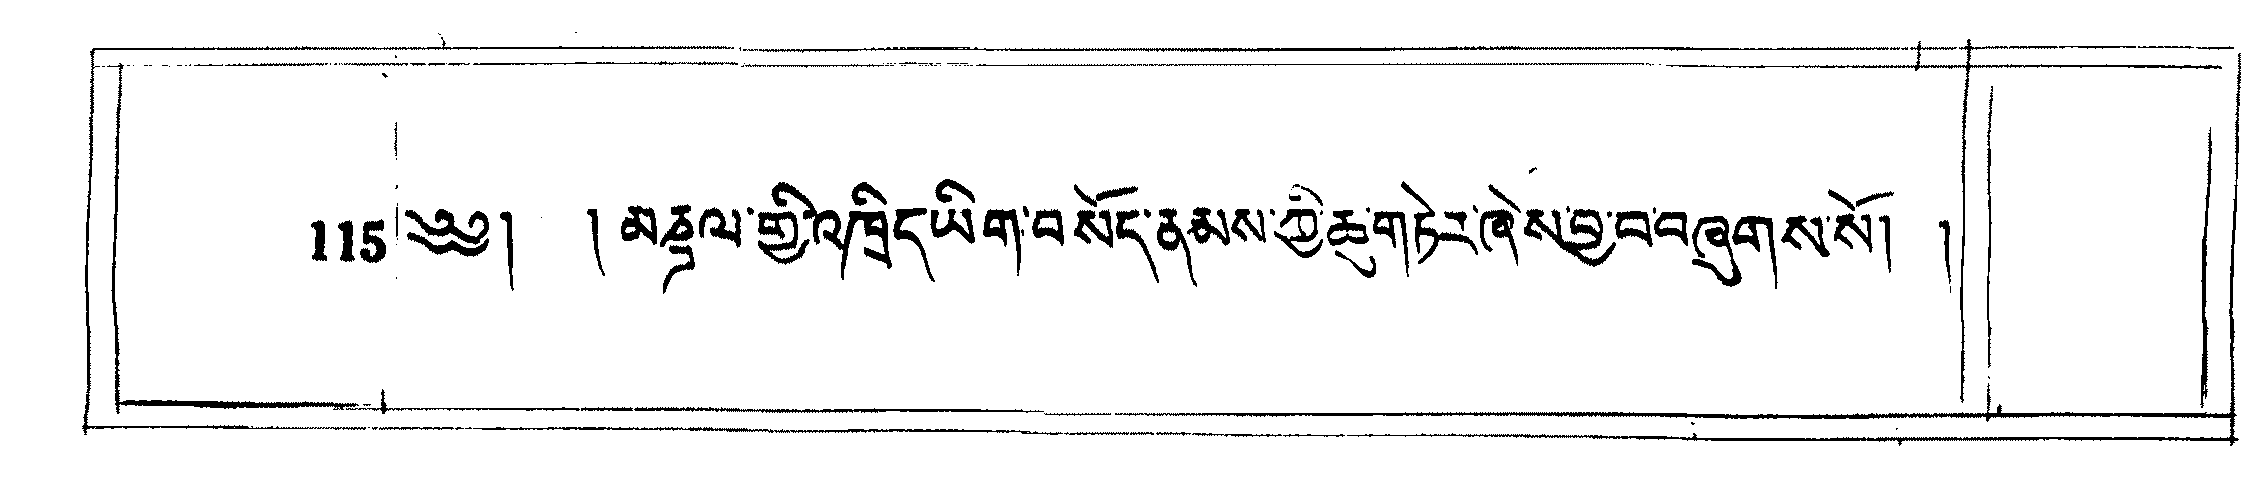༄༅། །མཎྜལ་གྱི་འཁྲིད་ཡིག་བསོད་ནམས་ཀྱི་ཆུ་གཏེར་ཞེས་བྱ་བ་བཞུགས་སོ།